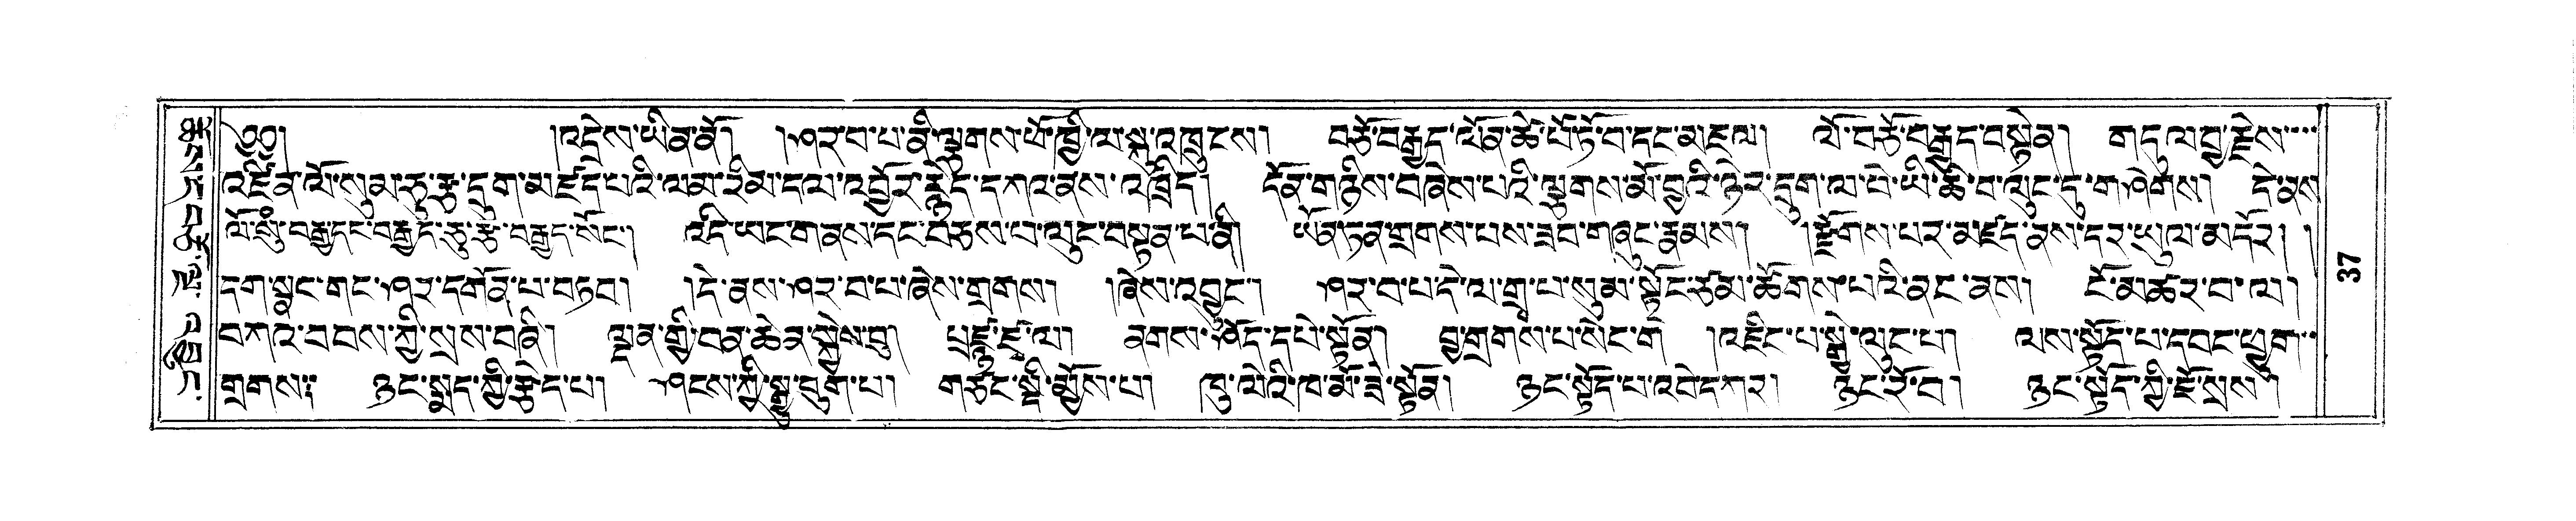༄༅། །འདྲེས་ཡིན་ནོ། །ཤར་བ་པ་ནི་ལྕགས་ཕོ་ཁྱི་ལ་སྐུ་འཁྲུངས། བཅོ་བརྒྱད་ལོན་ཚེ་པོ་ཏོ་བ་དང་མཇལ། ལོ་བཅོ་བརྒྱད་བསྟེན། གདུལ་བྱ་རྗེས་
འཛིན་ལོ་སུམ་ཅུ་རྩ་དྲུག་མཛད་པའི་ལམ་རིམ་དལ་འབྱོར་རྙེད་དཀའ་ནས་འཁྲིད། དོན་གཉིས་བཞེས་པའི་ལྕགས་མོ་བྱའི་ཉེར་དྲུག་ལ་པེ་ཡི་ཚེ་བ་ལུང་དུ་གཤེགས། དེ་ནས་
ལོ་སུཾ་བརྒྱ་དང་བརྒྱད་ཅུ་རྩ་བརྒྱད་སོང་། འདི་ཡང་གནས་དང་བཅས་པ་ལུང་བསྟན་པ་ནི། ཡོན་ཏན་གྲགས་པས་ཟབ་གཞུང་རྣམས། །རྫོགས་པར་མཛད་ནས་དར་ཡུལ་མདོར། །
དག་སྣང་གང་ཤར་དགོན་པ་བཏབ། །དེ་ནས་ཤར་བ་པ་ཞེས་གྲགས། །ཞེས་འབྱུང་། ཤར་བ་པ་དེ་ལ་གྲྭ་པ་སུམ་སྟོང་ཙམ་ཚོགས་པའི་ནང་ནས། ངོ་མཚར་བ་ལ།
བཀའ་བབས་ཀྱི་སྲས་བཞི། ལྡན་གྱི་བན་ཆེན་སྐྱེས་བུ། པྲཛྙ་ཛྭ་ལ། ནགས་ཤོད་དཔེ་སྟོན། བྱ་གྲགས་པ་སེང་གེ །འཇིང་པ་སྒྱེ་ལུང་པ། ལས་སྟོད་པ་དབང་ཕྱུག་
གྲགས༑ ཉང་སྨད་ཀྱི་རྩེད་པ། ཤངས་ཀྱི་སྒྱུ་བུག་པ། གཙང་སྡི་མྱོས་པ། ཁུ་ལེའི་ཁ་མོ་ཟེ་སྟོན། ཉང་སྟོད་པ་འབེ་དཀར། ཉང་རོ་བ། ཉང་སྟོད་ཀྱི་ཇོ་སྲས།